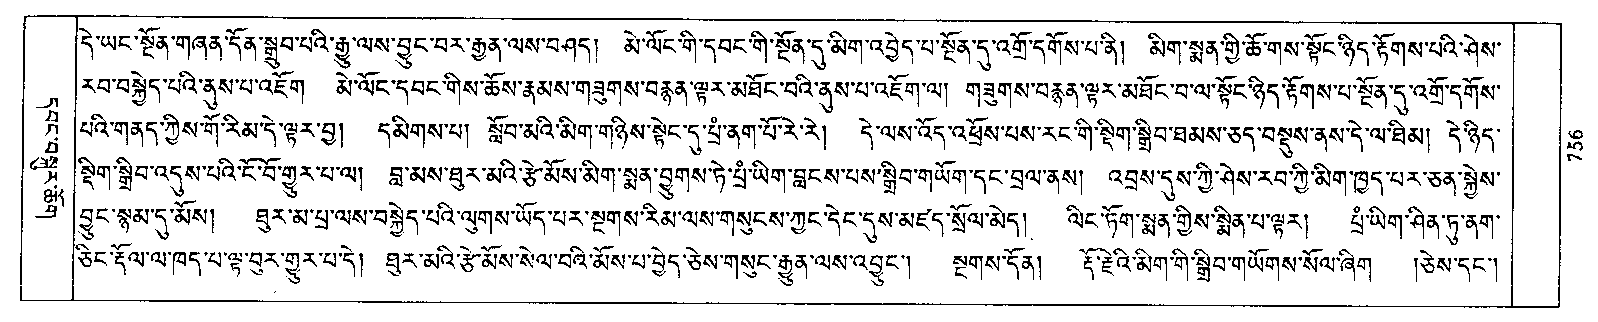དེ་ཡང་སྔོན་གཞན་དོན་སྒྲུབ་པའི་རྒྱུ་ལས་བྱུང་བར་རྒྱན་ལས་བཤད། མེ་ལོང་གི་དབང་གི་སྔོན་དུ་མིག་འབྱེད་པ་སྔོན་དུ་འགྲོ་དགོས་པ་ནི། མིག་སྨན་གྱི་ཆོ་གས་སྟོང་ཉིད་རྟོགས་པའི་ཤེས་
རབ་བསྐྱེད་པའི་ནུས་པ་འཇོག་མེ་ལོང་དབང་གིས་ཆོས་རྣམས་གཟུགས་བརྙན་ལྟར་མཐོང་བའི་ནུས་པ་འཇོག་ལ། གཟུགས་བརྙན་ལྟར་མཐོང་བ་ལ་སྟོང་ཉིད་རྟོགས་པ་སྔོན་དུ་འགྲོ་དགོས་
པའི་གནད་ཀྱིས་གོ་རིམ་དེ་ལྟར་བྱ། དམིགས་པ། སློབ་མའི་མིག་གཉིས་སྟེང་དུ་པྲཾ་ནག་པོ་རེ་རེ། དེ་ལས་འོད་འཕྲོས་པས་རང་གི་སྡིག་སྒྲིབ་ཐམས་ཅད་བསྡུས་ནས་དེ་ལ་ཐིམ། དེ་ཉིད་
སྡིག་སྒྲིབ་འདུས་པའི་ངོ་བོ་གྱུར་པ་ལ། བླ་མས་ཐུར་མའི་རྩེ་མོས་མིག་སྨན་བྱུགས་ཏེ་པྲཾ་ཡིག་བླངས་པས་སྒྲིབ་གཡོག་དང་བྲལ་ནས། འབྲས་དུས་ཀྱི་ཤེས་རབ་ཀྱི་མིག་ཁྱད་པར་ཅན་སྐྱེས་
བྱུང་སྙམ་དུ་མོས། ཐུར་མ་པྲ་ལས་བསྐྱེད་པའི་ལུགས་ཡོད་པར་སྔགས་རིམ་ལས་གསུངས་ཀྱང་དེང་དུས་མཛད་སྲོལ་མེད། ལིང་ཏོག་སྨན་གྱིས་སྨིན་པ་ལྟར། པྲཾ་ཡིག་ཤིན་ཏུ་ནག་
ཅིང་རྡོལ་ལ་ཁད་པ་ལྟ་བུར་གྱུར་པ་དེ། ཐུར་མའི་རྩེ་མོས་སེལ་བའི་མོས་པ་བྱེད་ཅེས་གསུང་རྒྱུན་ལས་འབྱུང་། སྔགས་དོན། རྡོ་རྗེའི་མིག་གི་སྒྲིབ་གཡོགས་སོལ་ཞིག །ཅེས་དང་།